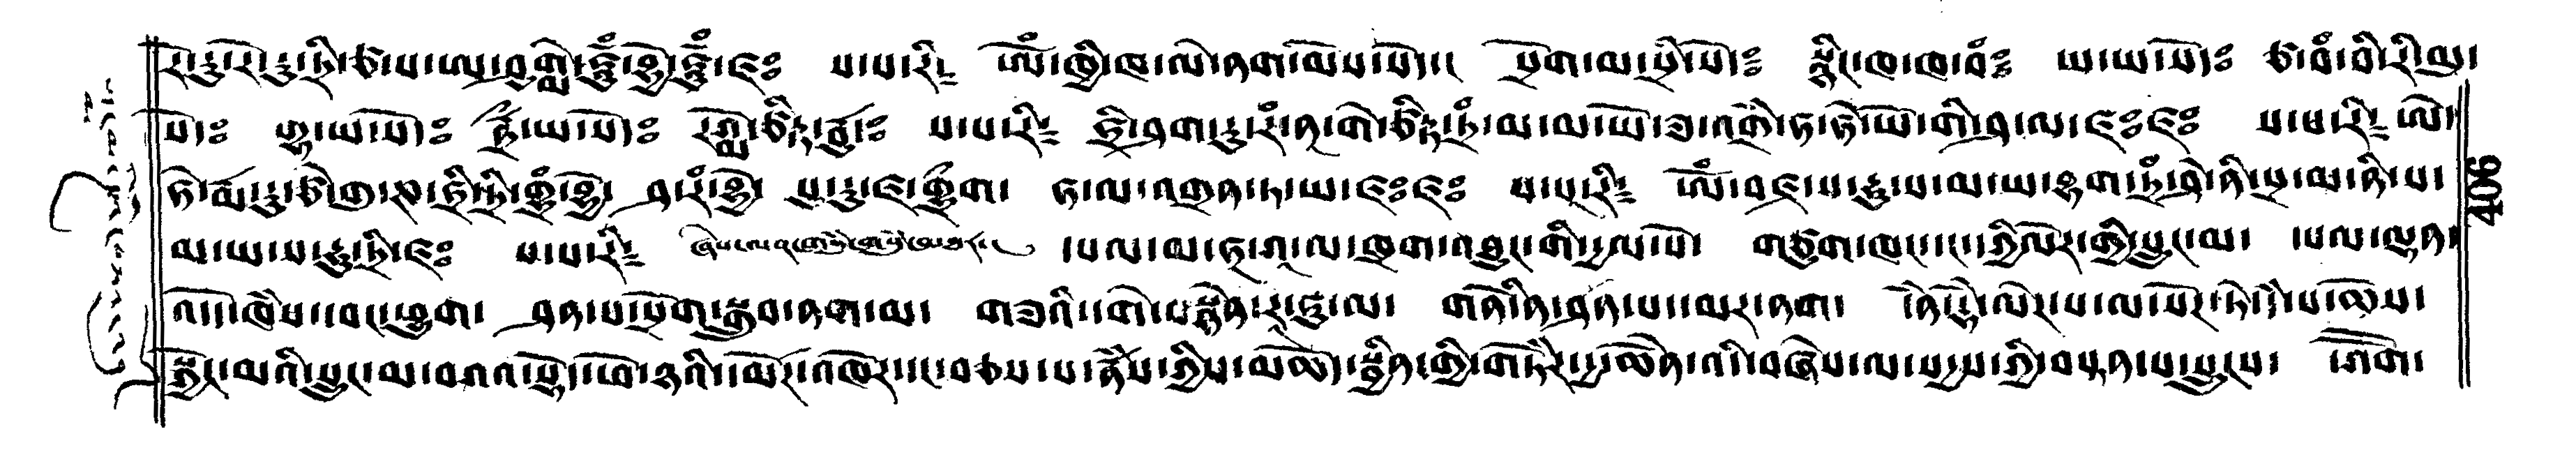རོ་རུ་རོ་རུ་ཏྲི་ཙ་པ་ཨ་ཤུགྨེ་ཧཱུྃ་བྷྱོ་ཛཿ ས་པ་རི༴ ཨོཾ་ཁྱི་ཁ་ལེ་ནག་མོས་སོདཿ སྲོག་མ་སྲི་སོདཿ སྙིང་ཁ་ཁ་བཾཿ ཡ་ཡ་སོདཿ ཙ་བཾ་བི་རི་མུ་
སོདཿ གྷ་ཡ་སོདཿ ནྲྀ་ཡ་སོདཿ རཀྨོ་ཙིཏྟ་རྦུདཿ ས་པ་རི༴ ཧྲི་ཤག་རུ་རཾ་ནཱ་གེ་ཙིཏྟ་ཏྲཾ་མ་མ་ཡོ་ཟ་འགྲམ་ཧ་ཧེ་ཡོ་གི་ཤ་ལ་ཛཿཛཿ ས་པ་རི༴ ཨེ་
ཧེ་རྨ་རུ་ཙེ་གུ་ཎ་ཧྲི་ཏྲི་གྷྲཾ་བྷྱོཿ ཤ་རཾ་བྷྱོཿསུ་རུ་ཛ་གྷྲྀགཿ ཧ་ལ་འགྲན་ཏ་ཡ་ཛཿཛཿ ས་པཱ་རི༴ ཨོཾ་བཛྲ་ས་དྷུ་ས་མ་ཡ་བྷག་ཏྲཾ་ཤེ་ནི་པྲ་མ་ནི་ས་
མ་ཡ་ས་དྷུ་ཏྲི་ཛཿ ས་པ་རི༴ ཞེས་ལན་གསུམ་གསུམ་མཐར། དཔལ་མ་ཧཱ་ཀཱ་ལ་ཁྲག་འཐུང་གི་རྒྱལ་པོ། གཙུག་ལག་ཁང་དང་དཀྱིལ་འཁོར་གྱི་སྲུང་མ། དཔལ་ལྡན་
འདོད་ཁམས་དབང་ཕྱུག ཤན་པ་སྲོག་སྒྲུབ་ནག་མོ། གཟའི་དགེ་བསྙེན་རཱ་ཧུ་ལ། གནོད་སྦྱིན་ཤན་པ་དམར་ནག དམ་ཅན་རྡོ་རྗེ་ལེགས་པ་ལ་སོགས་ཏེ་དམ་པ་ཆོས་
སྐྱོང་བའི་སྲུང་མ་བཀའ་སྡོད་ཕོ་ཉའི་དམག་ཚོགས་འཁོར་དང་བཅས་པ་རྣམས་ཀྱིས་མཆོད་སྦྱིན་གྱི་གཏོར་མ་རྒྱ་ཆེན་པོ་འདི་བཞེས་ལ་སངས་རྒྱས་ཀྱི་བསྟན་པ་སྲུངས། དཀོན་མཆོག་